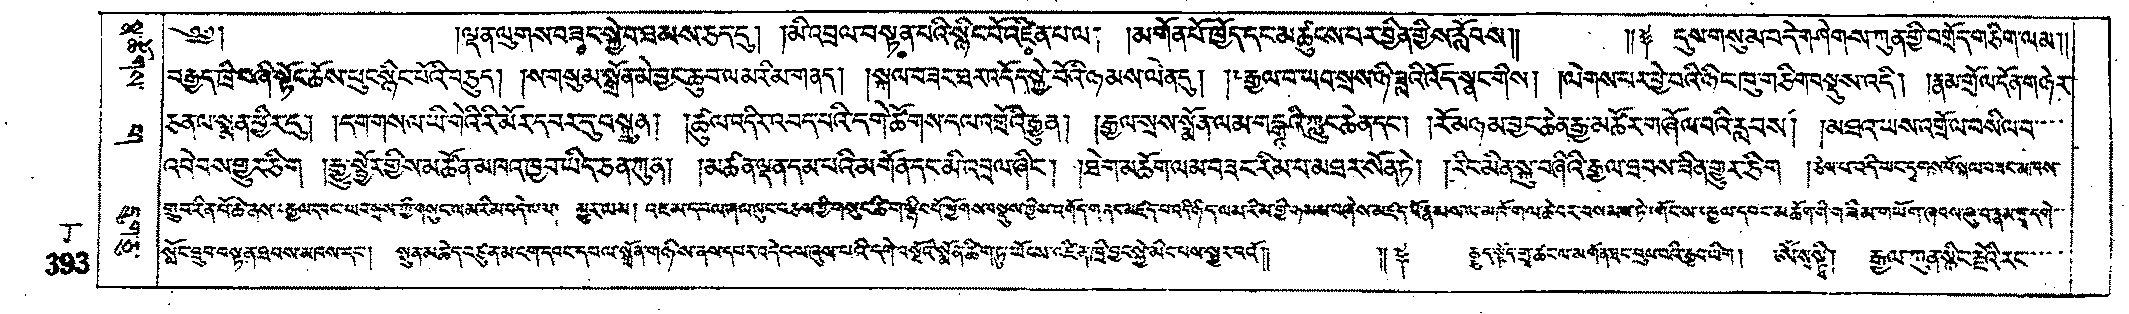༄༅། །ལྡན་ལུགས་བཟང྾་སྐྱེ་བ་ཐམས་ཅད་དུ། །མི་འབྲལ་བསྟན྾་པའི་སྙིང་པོ་འཛིན྾་པ་ལ། །མགོན་པོ་ཁྱོད་དང་མཚུངས་པར་བྱིན་གྱིས་རློབས།། །།འདུས་གསུམ་གཤེགས་ཀུན་གྱི་བགྲོད་གཅིག་ལམ།།
བརྒྱད་ཁྲི་བཞི་སྟོང་ཆོས་ཕུང་སྙིང་པོའི་བཅུད། །ས་གསུམ་སྒྲོན་མེ་བྱང་ཆུབ་ལམ་རིམ་གནད། །སྐལ་བཟང་ཐར་འདོད་སྐྱེ་བོའི་ཉམས་ལེན་དུ། །༧རྒྱལ་བ་ཡབ་སྲས་ཉི་ཟླའི་འོད་སྣང་གིས། །ལེགས་པར་ཕེ་བའི་ཉིང་ཁུ་གཅིག་བསྡུས་འདི། །རྣམ་གྲོལ་དོན་གཉེར་
ཅན་ལ་སྨན་ཕྱིར་དུ། །དག་གསལ་ཡི་གེའི་རི་མོར་དཔར་དུ་བསྐྲུན། །ཚུལ་འདིར་འབད་པའི་དགེ་ཚོགས་དལ་འགྲོའི་རྒྱུན། །རྒྱལ་སྲས་སྨོན་ལམ་གངྒཱའི་ཀླུང་ཆེན་དང་། །རོ་མཉམ་བྱང་ཆེན་རྒྱ་མཚོར་གཞོལ་བའི་རླབས། །མཐའ་ཡས་འགྲོ་ལ་བསིལ་བ་་་
འབེབས་གྱུར་ཅིག །རྒྱུ་སྦྱོར་གྱིས་མཚོན་མཁའ་ཁྱབ་ཡིད་ཅན་ཀུན། །མཚན་ལྡན་དམ་པའི་མགོན་དང་མི་འབྲལ་ཞིང་། །ཐེག་མཆོག་ལམ་བཟང་རིམ་པ་མཐར་སོན་ཏེ། རིང་མིན་ཀུ་བཞིའི་རྒྱལ་ཐབས་ཟིན་གྱུར་ཅིག །ཅེས་པ་འདི་ཡང་དྭགས་པོ་སྐལ་བཟང་མཁས་
གྲུབ་རིན་པོ་ཆེ་ནས ༧རྒྱལ་དབང་ཡབ་སྲས་ཀྱི་གསུང་ལམ་རིམ་བདེ་ལམ། མྱུར་ལམ། འཇམ་དཔལ་ཞལ་ལུང་བཅས་ཀྱི་གསུང་ཚིག་སྙིང་པོ་ཕྱོགས་བསྡུས་ཀྱིས་འགོད་གནང་མཛད་པ་འདི་ཉིད་ལམ་རིམ་གྱི་ཉམས་བཞེས་མཛད་པོ་རྣམས་ལ་མཁོ་གལ་ཆེ་བར་བསམས་ཏེ ༧གོང་ས ༧རྒྱལ་དབང་མཆོག་གི་གཟིམ་གཡོག་ཞབས་ཞུ་བ་རྣམས་གྲྭ་དགེ་་་
སློང་ཐུབ་བསྟན་ཐབས་མཁས་དང་། སྤུན་མཆེད་བཙུན་མ་ངག་དབང་དཔལ་སྒྲོན་གཉིས་ནས་དཔར་འདེབས་ཞུས་པའི་དགེ་བསྔོའི་སྨོན་ཚིག་ཏུ་ཡོངས་འཛིན་ཁྲི་བྱང་སྐྱེ་མིང་པས་སྦྱར་བའོ།། །།འ་རྒྱུད་སྟོད་གྲྭ་ཚང་ལ་མགོན་ཐང་ཕུལ་བའི་རྒྱབ་ཡིག ། ཨོཾ་སྭསྟྭི། རྒྱལ་ཀུན་སྙིང་རྗེའི་རང་་་